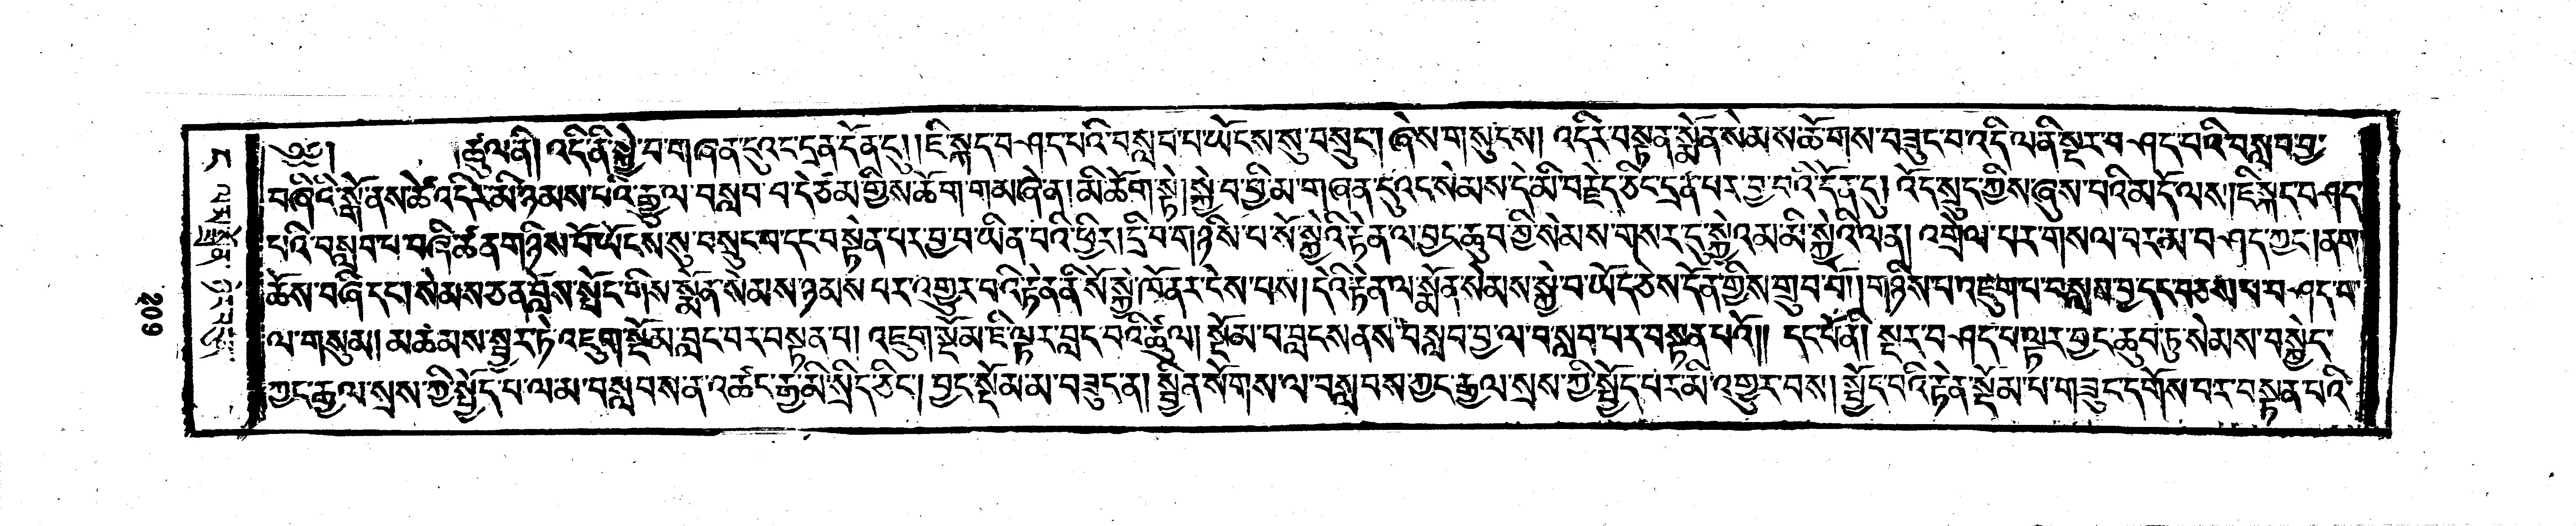༄༅། །ཚུལ་ནི། འདི་ནི་སྐྱེ་བ་གཞན་དུའང་དྲན་དོན་དུ། །ཇི་སྐད་བཤད་པའི་བསླབ་པ་ཡོངས་སུ་བསྲུང་། ཞེས་གསུངས། འདིར་བསྟན་སྨོན་སེམས་ཆོ་གས་བཟུང་བ་འདི་ལ་ནི་སྔར་བཤད་པའི་བསླབ་བྱ་
བཞིའི་སྒོ་ནས་ཚེ་འདིར་མི་ཉམས་པའི་རྒྱུ་ལ་བསླབ་པ་དེ་ཙམ་གྱིས་ཆོག་གམ་ཞེ་ན། མི་ཆོག་སྟེ། སྐྱེ་བ་ཕྱི་མ་གཞན་དུའང་སེམས་དེ་མི་བརྗེད་ཅིང་དྲན་པར་བྱ་བའི་དོན་དུ། འོད་སྲུང་ཀྱིས་ཞུས་པའི་མདོ་ལས། ཇི་སྐད་བཤད་
པའི་བསླབ་པ་བཞི་ཚན་གཉིས་པོ་ཡོངས་སུ་བསྲུང་བ་དང་བསྟེན་པར་བྱ་བ་ཡིན་པའི་ཕྱིར། དྲི་བ་གཉིས་པ་སོ་སྐྱེའི་རྟེན་ལ་བྱང་ཆུབ་ཀྱི་སེམས་གསར་དུ་སྐྱེའམ་མི་སྐྱེའི་ལན། འགྲེལ་པར་གསལ་བར་མ་བཤད་ཀྱང་། ནག་
ཆོས་བཞི་དང་། སེམས་ཅན་བློས་སྤོང་གིས་སྨོན་སེམས་ཉམས་པར་འགྱུར་པའི་རྟེན་ནི་སོ་སྐྱེ་ཁོ་ནར་ངེས་པས། དེའི་རྟེན་ལ་སྨོན་སེམས་སྐྱེ་བ་ཡོད་ཅེས་དོན་གྱིས་གྲུབ་བོ། །གཉིས་པ་འཇུག་པ་བསླབ་བྱ་དང་བཅས་པ་བཤད་པ་
ལ་གསུམ། མཚམས་སྦྱར་ཏེ་འཇུག་སྡོམ་བླང་བར་བསྟན་པ། འཇུག་སྡོམ་ཇི་ལྟར་བླང་བའི་ཚུལ། སྡོམ་པ་བླངས་ནས་བསླབ་བྱ་ལ་བསླབ་པར་བསྟན་པའོ། །དང་པོ་ནི། སྔར་བཤད་པ་ལྟར་བྱང་ཆུབ་ཏུ་སེམས་བསྐྱེད་
ཀྱང་རྒྱལ་སྲས་ཀྱི་སྤྱོད་པ་ལ་མ་བསླབས་ན་འཚང་རྒྱ་མི་སྲིད་ཅིང་། བྱང་སྡོམ་མ་བཟུང་ན། སྦྱིན་སོགས་ལ་བསླབས་ཀྱང་རྒྱལ་སྲས་ཀྱི་སྤྱོད་པར་མི་འགྱུར་པས། སྤྱོད་པའི་རྟེན་སྡོམ་པ་གཟུང་དགོས་པར་བསྟན་པའི་